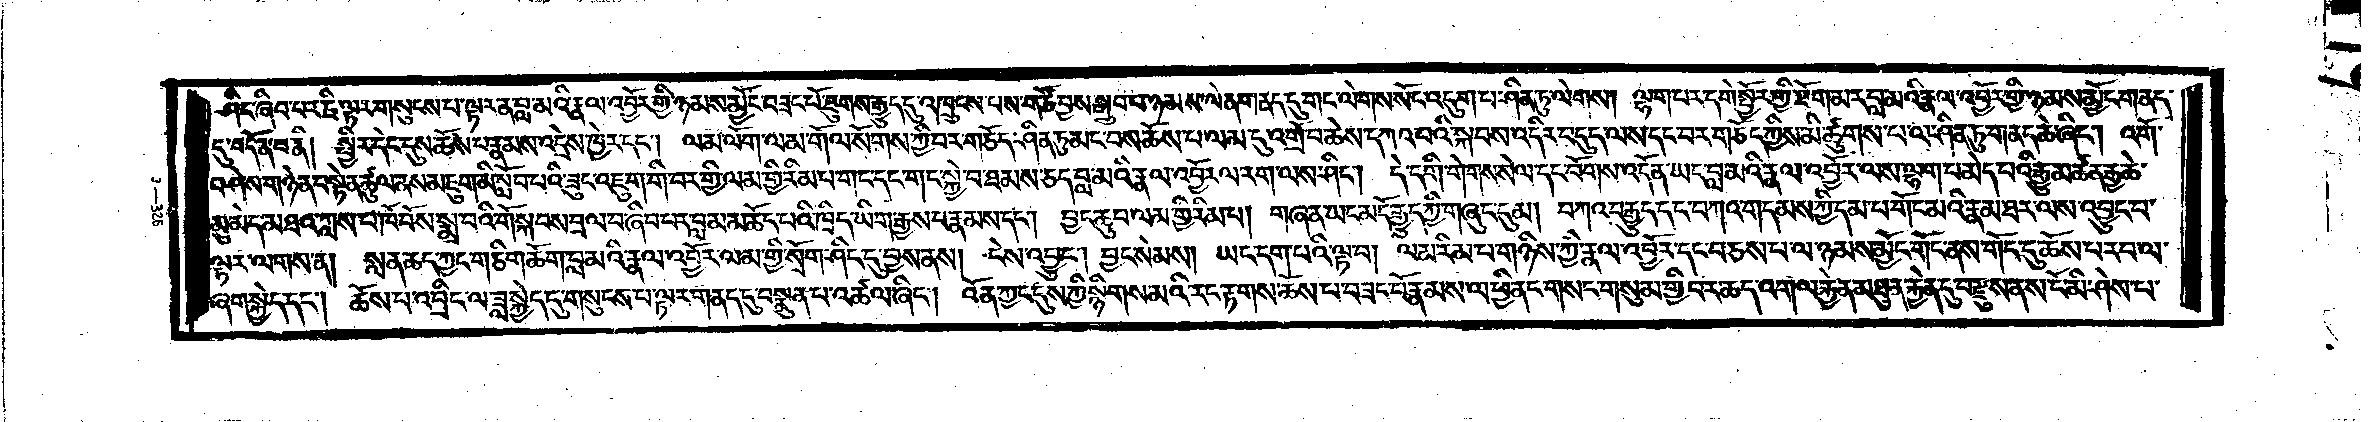ཤིང་ཞིབ་པར་ཇི་ལྟར་གསུངས་པ་ལྟར་ན་བླ་མའི་རྣལ་འབྱོར་གྱི་ཉམས་མྱོང་བཟང་པོ་ཐུགས་རྒྱུད་དུ་འཁྲུངས་པས་གཙོ་བྱས་སྒྲུབ་པ་ཉམས་ལེན་གནད་དུ་གང་ལེགས་སོང་འདུག་པ་ཤིན་ཏུ་ལེགས། ལྷག་པར་དགེ་སྦྱོར་གྱི་ཐོག་མར་བླ་མའི་རྣལ་འབྱོར་གྱི་ཉམས་མྱོང་གནད་
དུ་བདོན་པ་ནི། སྤྱིར་དེང་དུས་ཆོས་པ་རྣམས་འདྲེས་ཁྱེར་དང་། ལམ་ལོག་ལམ་གོལ་སོགས་ཀྱི་བར་གཅོད་ཤིན་ཏུ་མང་བས་ཆོས་པ་ལམ་དུ་འགྲོ་བ་ཆེས་དཀའ་བའི་སྐབས་འདིར་བདུད་ལས་དང་བར་གཅོད་ཀྱིས་མི་ཚུགས་པ་ལ་ཤིན་ཏུ་གནད་ཆེ་ཞིང་། འགོ་
བཤེས་གཉེན་བསྟེན་ཚུལ་ནས་འཇུག་མི་སློབ་པའི་ཟུང་འཇུག་གི་བར་གྱི་ལམ་གྱི་རིམ་པ་གང་དང་གང་སྐྱེ་བ་ཐམས་ཅད་བླ་མའི་རྣལ་འབྱོར་ལ་རག་ལས་ཤིང་། དེ་དགེ་གེགས་སེལ་དང་བོགས་འདོན་ཡང་བླ་མའི་རྣལ་འབྱོར་ལས་ལྷག་པ་མེད་པའི་རྒྱུ་མཚན་རྒྱ་ཆེ་
མུ་མེད་མཐའ་ཀླས་པ་ཁོ་བོས་སྨྲ་བའི་གོ་སྐབས་བྲལ་བ་ཞིབ་པར་བླ་མ་མཆོད་པའི་ཁྲིད་ཡིག་རྒྱས་པ་རྣམས་དང་། བྱང་ཆུབ་ལམ་གྱི་རིམ་པ། གཞན་ཡང་མདོ་རྒྱུད་ཀྱི་གཞུང་དུམ། བཀའ་བརྒྱུད་དང་བཀའ་གདམས་ཀྱི་དམ་པ་གོང་མའི་རྣམ་ཐར་ལས་འབྱུང་བ་
ལྟར་ལགས་ན། སླན་ཆད་ཀྱང་གཅིག་ཆོག་བླ་མའི་རྣལ་འབྱོར་ལམ་གྱི་སྲོག་ཤིང་དུ་བྱས་ནས། ངེས་འབྱུང་། བྱང་སེམས། ཡང་དག་པའི་ལྟ་བ། ལམ་རིམ་པ་གཉིས་ཀྱི་རྣལ་འབྱོར་དང་བཅས་པ་ལ་ཉམས་མྱོང་གོང་ནས་གོང་དུ་ཆོས་པ་རབ་ལ་
ཞག་སྐྱེད་དང་། ཆོས་པ་འབྲིང་ལ་ཟླ་སྐྱེད་དུ་གསུངས་པ་ལྟར་གནད་དུ་བསྣུན་པ་འཚལ་ཞིང་། འོན་ཀྱང་དུས་ཀྱི་སྙིགས་མའི་རང་རྟགས་ཆོས་པ་བཟང་པོ་རྣམས་ལ་ཕྱི་ནང་གསང་གསུམ་གྱི་བར་ཆད་འགལ་རྐྱེན་མཐུན་རྐྱེན་དུ་བརྫུས་ནས་ངོ་མི་ཤེས་པ་